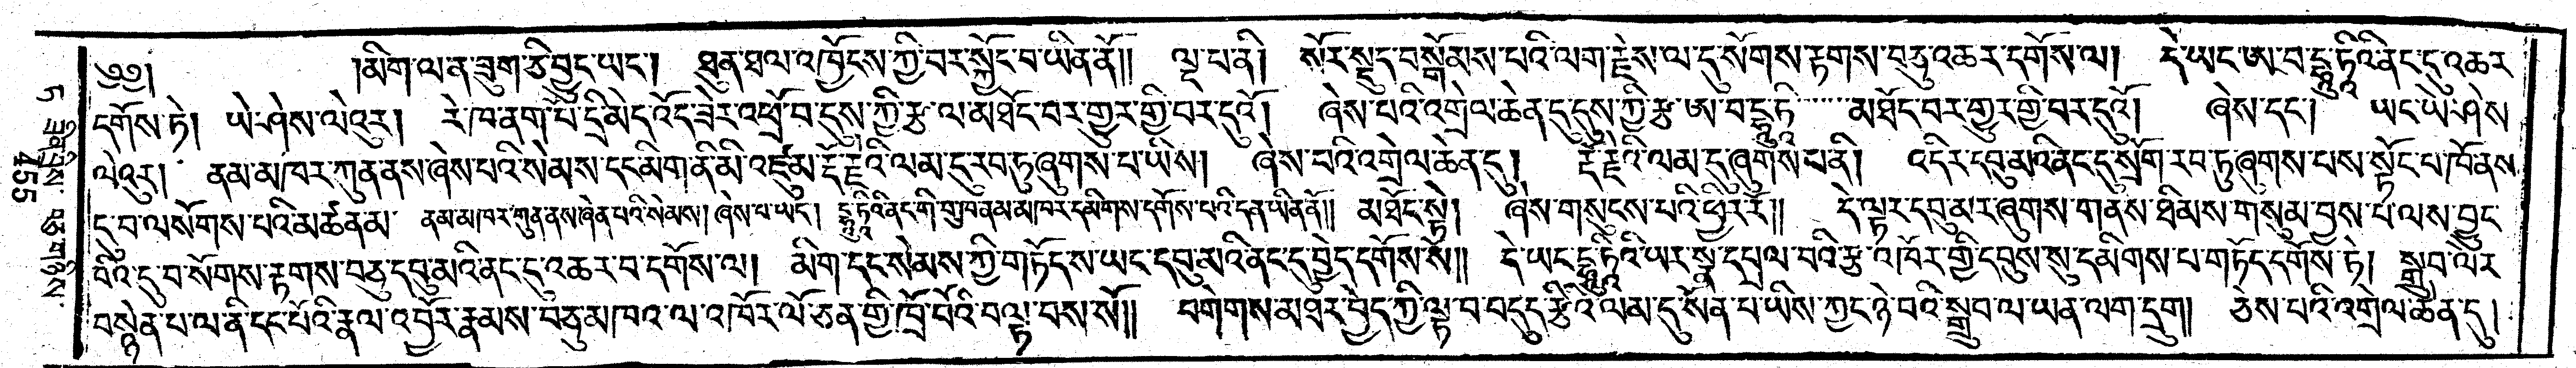༄༅། །མིག་ལ་ན་ཟུག་ཅི་བྱུང་ཡང་། ཐུན་ཐལ་འཁྱོངས་ཀྱི་བར་སྐྱོངས་བ་ཡིན་ནོ།། ལྔ་པ་ནི། སོར་སྡུད་བསྒོམས་པའི་ལག་རྗེས་ལ་དུ་སོགས་རྟགས་བཅུ་འཆར་དགོས་ལ། དེ་ཡང་ཨ་བ་དྷཱུ་ཏཱིའི་ནང་དུ་འཆར་
དགོས་ཏེ། ཡེ་ཤེས་ལེའུར། རེ་ཁ་ནག་པོ་དྲི་མེད་འོད་ཟེར་འཕྲོ་བ་དུས་ཀྱི་རྩ་ལ་མཐོང་བར་གྱུར་གྱི་བར་དུའོ། ཞེས་པའི་འགྲེལ་ཆེན་དུ་དུས་ཀྱི་རྩ་ཨ་བ་དྷཱུ་ཏཱི་མཐོང་བར་གྱུར་གྱི་བར་དུའོ། ཞེས་དང་། ཡང་ཡེ་ཤེས་
ལེའུར། ནམ་མཁར་ཀུན་ནས་ཞེས་པའི་སེམས་དང་མིག་ནི་མི་འཛུམ་རྡོ་རྗེའི་ལམ་དུ་རབ་ཏུ་ཞུགས་པ་ཡིས། ཞེས་པའི་འགྲེལ་ཆེན་དུ། རྡོ་རྗེའི་ལམ་དུ་ཞུགས་པ་ནི། འདིར་དབུ་མའི་ནང་དུ་སྲོག་རབ་ཏུ་ཞུགས་པས་སྟོང་པ་ཁོ་ནས་
དུ་བ་ལ་སོགས་པའི་མཚན་མ་ནམ་མཁར་གུན་ནས་ཞེན་པའི་སེམས། ཞེས་པ་ཡང་། དྷཱུ་ཏཱིའི་ནང་གི་བུ་ཁ་ནམ་མཁར་དམིགས་དགོས་པའི་དན་ཡིན་ནོ།། མཐོང་སྟེ། ཞེས་གསུངས་པའི་ཕྱིར་རོ།། དེ་ལྟར་དབུ་མར་ཞུགས་གནས་ཐིམས་གསུམ་བྱས་པ་ལས་བྱུང་
བའི་དུ་བ་སོགས་རྟགས་བཅུ་དབུ་མའི་ནང་དུ་འཆར་བ་དགོས་ལ། མིག་དང་སེམས་ཀྱི་གཏོད་ས་ཡང་དབུ་མའི་ནང་དུ་བྱེད་དགོས་སོ།། དེ་ཡང་དྷཱུ་ཏཱིའི་ཡར་སྣ་དཔྲལ་བའི་རྩ་འཁོར་གྱི་དབུས་སུ་དམིགས་པ་གཏོད་དགོས་ཏེ། སྒྲུབ་ལེར་
བསྙེན་པ་ལ་ནི་དང་པོའི་རྣལ་འབྱོར་རྣམས་བཅུ་མཁའ་ལ་འཁོར་ལོ་ཅན་གྱི་ཁྲོ་བོའི་བལྟ་བས་སོ།། བགེགས་མཐར་བྱེད་ཀྱི་ལྟ་བ་བདུད་རྩིའི་ལམ་དུ་སོན་པ་ཡིས་ཀྱང་ཉེ་བའི་སྒྲུབ་ལ་ཡབ་ལག་དྲུག། ཅེས་པའི་འགྲེལ་ཆེན་དུ།